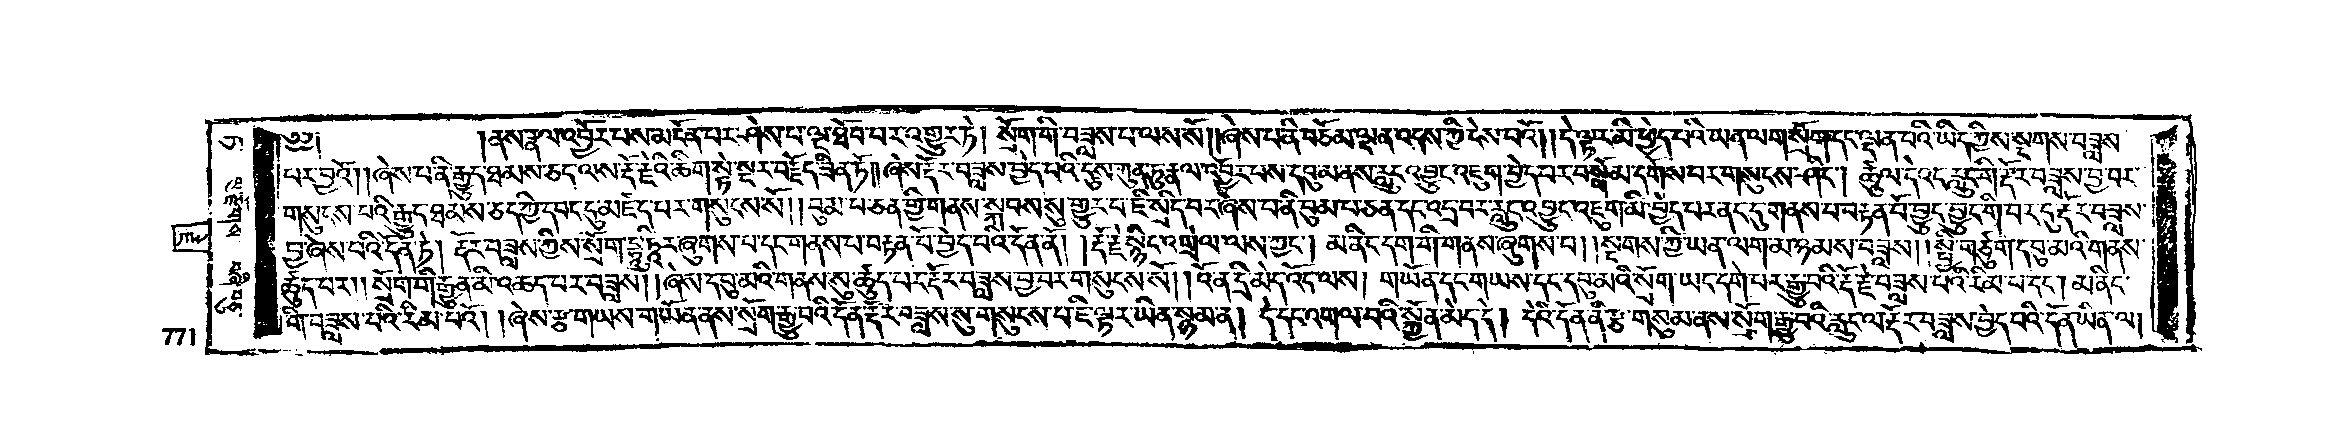༄༅། །ནས་རྣལ་འབྱོར་པས་མངོན་པར་ཤེས་པ་ལྔ་ཐོབ་པར་འགྱུར་ཏེ། སྲོག་གི་བཟླས་པ་ལས་སོ། །ཞེས་པ་ནི་བཅོམ་ལྡན་འདས་ཀྱི་ངེས་པའོ། །དེ་ལྟར་མི་ཕྱེད་པའི་ཡན་ལག་སྲོག་དང་ལྡན་པའི་ཡིད་ཀྱིས་སྔགས་བཟླས་
པར་བྱའོ། །ཞེས་པ་ནི་རྒྱུད་ཐམས་ཅད་ལས་རྡོ་རྗེའི་ཚིག་སྟེ་སྔར་བརྗོད་ཟིན་ཏོ། །ཞེས་རྡོར་བཟླས་བྱེད་པའི་དུས་ཀུན་ཏུ་རྣལ་འབྱོར་པས་དབུ་མ་ནས་རླུང་འབྱུང་འཇུག་བྱེད་པར་བསྒོམ་དགོས་པར་གསུངས་ཤིང་། ཚུལ་དེའང་རླུང་གི་རྡོར་བཟླས་བྱ་བར་
གསུངས་པའི་རྒྱུད་ཐམས་ཅད་ཀྱི་དབང་དུ་མཛད་པར་གསུངས་སོ། །བུམ་པ་ཅན་གྱི་གནས་སྐབས་སུ་གྱུར་པ་ཇི་སྲིད་བར་ཞེས་པ་ནི་བུམ་པ་ཅན་དང་འདྲ་བར་རླུང་འབྱུང་འཇུག་མི་བྱེད་པར་ནང་དུ་གནས་པ་བརྟན་པོ་བྱུང་བྱུང་གི་བར་དུ་རྡོར་བཟླས་
བྱ་ཞེས་པའི་དོན་ཏེ། རྡོར་བཟླས་ཀྱིས་སྲོག་དྷཱུ་ཏཱིར་ཞུགས་པ་དང་གནས་པ་བརྟན་པོ་བྱེད་པའི་དོན་ནོ། །རྡོ་རྗེ་སྙིང་འགྲེལ་ལས་ཀྱང་། མ་ནིང་དག་གི་གནས་ཞུགས་པ། །སྔགས་ཀྱི་ཡན་ལག་མ་ཉམས་བཟླས། །སྤྱི་གཙུག་དབུ་མའི་གནས་
ཚུད་པར། །སྲོག་གི་རྒྱུན་མི་འཆད་པར་བཟླས། །ཞེས་དབུ་མའི་གནས་སུ་ཚུད་པར་རྡོར་བཟླས་བྱ་བར་གསུངས་སོ། །འོ་ན་དྲི་མེད་འོད་ལས། གཡོན་དང་གཡས་དང་དབུ་མའི་སྲོག་ཡང་དག་པར་རྒྱུ་བའི་རྡོ་རྗེ་བཟླས་པའི་རིམ་པ་དང་། མ་ནིང་
གི་བཟླས་པའི་རིམ་པའོ། །ཞེས་རྩ་གཡས་གཡོན་ནས་སྲོག་རྒྱུ་བའི་དོན་རྡོར་བཟླས་སུ་གསུངས་པ་ཇི་ལྟར་ཡིན་སྙམ་ན། དེ་དང་འགལ་བའི་སྐྱོན་མེད་དེ། དེའི་དོན་ནི་རྩ་གསུམ་ནས་སྲོག་རྒྱུ་བའི་རླུང་ལ་རྡོར་བཟླས་བྱེད་པའི་དོན་ཡིན་ལ།